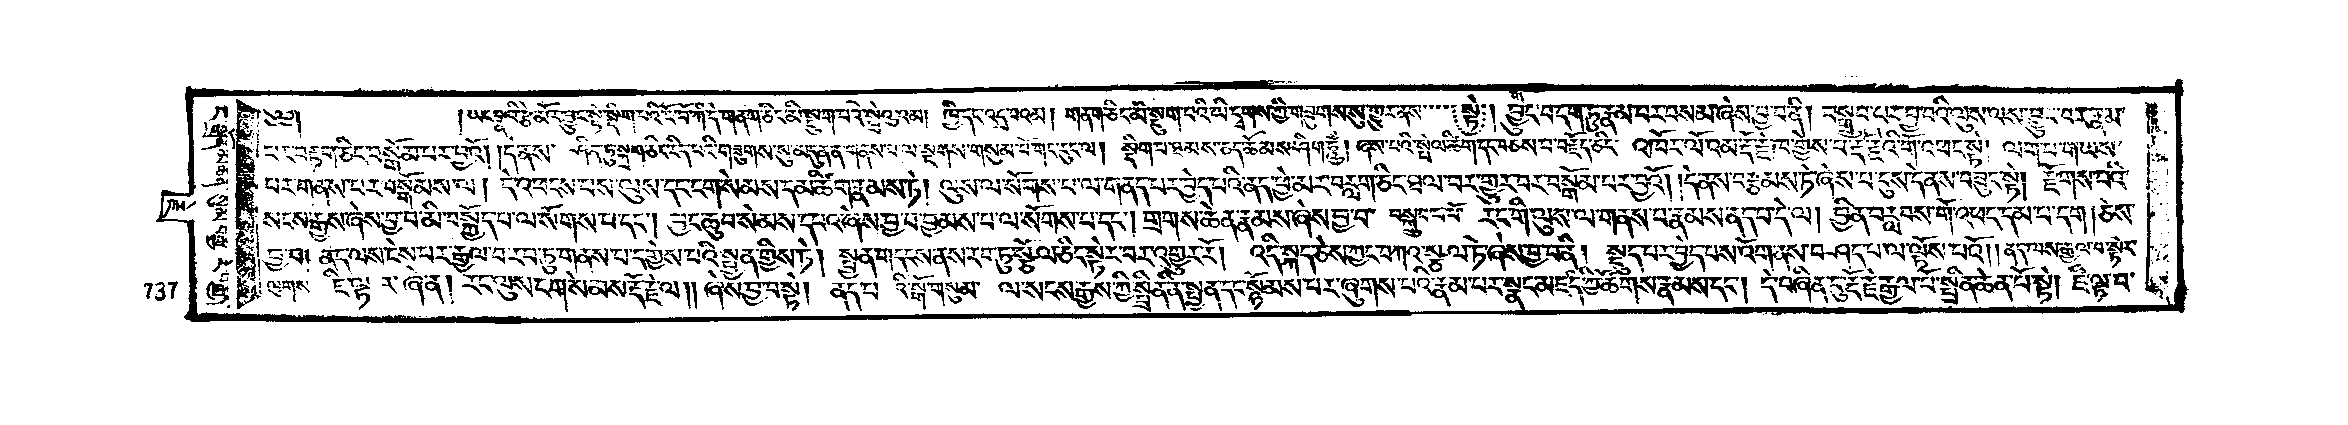༄༅། །ཡང་སྣའི་རྩེ་མོར་བྱུང་སྟེ་སྡིག་པའི་ངོ་བོ་ཀཾ་དེ་གནག་ཅིང་མི་སྡུག་པའི་སྤྲེའུ་འམ། ཁྱི་དང་འདྲ་བའམ། གནག་ཅིང་མི་སྡུག་པའི་ཡི་དྭགས་ཀྱི་གཟུགས་སུ་གྱུར་ནས་སྟེ། ཀ་བྱུང་བ་དག་ཏུ་རྣམ་པར་བསམ་ཞེས་བྱ་བ་ནི། བསྒྲུབ་པར་བྱ་བའི་ལུས་ལས་བྱུང་བར་རྣམ་
པར་བརྟག་ཅིང་བསྒོམ་པར་བྱའོ། །དེ་ནས་ཤིན་ཏུ་སྐྲག་ཅིང་རིད་པའི་གཟུགས་སུ་མདུན་ན་གནས་པ་ལ་སྔགས་གསུམ་པོ་གང་རུང་ལ། སྡིག་པ་ཐམས་ཅད་ཚོམས་ཤིག་ཧཱུཾ། ཞེས་པའི་སྤེལ་ཚིག་དང་བཅས་པ་བརྗོད་ཅིང་འཁོར་ལོ་འམ་རྡོ་རྗེ་ཁ་གྱེས་པ་རྡོ་རྗེའི་གོ་འཕང་སྟེ། ལག་པ་གཡས་
པར་གནས་པར་བསྒོམས་ལ། དེ་འཕངས་པས་ལུས་དང་ངག་སེམས་དམ་ཚིག་རྣམས་ཏེ། ལུས་ལ་སོགས་པ་ལ་གནད་པར་བྱེད་པའི་ནད་ཕྱེ་མར་བརླག་ཅིང་ཐལ་བར་གྱུར་བར་བསྒོམ་པར་བྱའོ། །དེ་ནས་བརྩམས་ཏེ་ཞེས་པ་དུས་དེ་ནས་བཟུང་སྟེ། རྫོགས་པའི་
སངས་རྒྱས་ཞེས་བྱ་བ་མི་བསྐྱོད་པ་ལ་སོགས་པ་དང་། བྱང་ཆུབ་སེམས་དཔའ་ཞེས་བྱ་བ་བྱམས་པ་ལ་སོགས་པ་དང་། གྲགས་ཆེན་རྣམས་ཞེས་བྱ་བ་བསྒྲུབ་པ་པོ་རང་གི་ལུས་ལ་གནས་པ་རྣམས་ནད་པ་དེ་ལ། བྱིན་བརླབས་གོ་འཕང་དམ་པ་དག །ཅེས་
བྱ་བ། ནད་ལས་ངེས་པར་རྒྱལ་བ་རབ་ཏུ་གནས་པ་དགྱེས་པའི་སྤྱན་གྱིས་ཏེ། སྤྱན་གདངས་ནས་རབ་ཏུ་སྩོལ་ཅིང་སྟེར་བར་འགྱུར་རོ། འདི་སྐད་ཅེས་ཀྱང་བཀའ་སྩལ་ཏེ་ཞེས་བྱ་བ་ནི། སྡུད་པར་བྱེད་པས་འོག་ནས་བཤད་པ་ལ་ལྟོས་པའོ། །ནད་ལས་རྒྱལ་བ་སྟེར་
ལུགས་ཇི་ལྟར་ཞེ་ན། རང་ལུས་ངག་སེམས་རྡོ་རྗེ་ལ། །ཞེས་བྱ་བ་སྟེ། ནད་པའི་སྒོ་གསུམ་ལ་སངས་རྒྱས་ཀྱི་སྤྲིན་ནི་སྤྱན་དང་སྙོམས་པར་ཞུགས་པའི་རྣམ་པར་སྣང་མཛད་ཀྱི་ཚོགས་རྣམས་དང་། དེ་བཞིན་དུ་རྡོ་རྗེ་རྒྱལ་པོ་སྤྲིན་ཆེན་པོ་སྟེ། ཇི་ལྟ་བ་